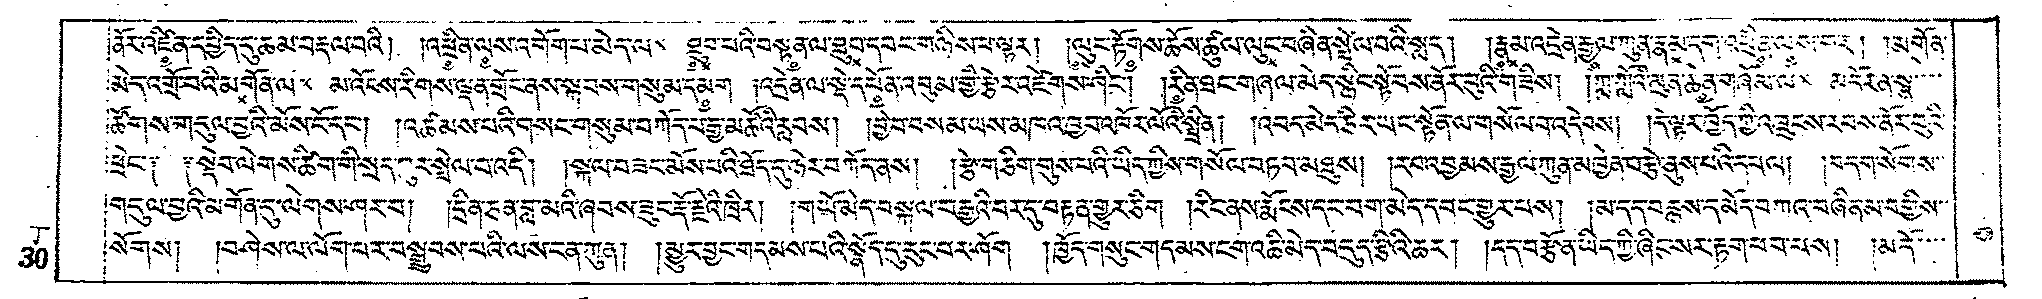ནོར་འཛིནཾ་དཔྱིད་དུ་ཆམ་བརྡལ་བའི། །འཕྲིནཾ་ལསཾ་འགོག་པ་མེད་ལ་྾་ཐུབཾ་པའི་བསྟནཾ་ལ་ཐུབ་དབང་གཉིས་པ་ལྟར། །ལུངཾ་རྟོགསཾ་ཆོས་ཚུལ་ལུང་བཞིན་སྤེལ་བའི་སླད། །རྣམཾ་འདྲེན་རྒྱལ་ཀུན་རྣམ་དག་འཕྲིན་ལསཾ་གར། །མགྲོན་
མེད་འགྲོ་བའི་མགོན་ལ་྾་མ་འོངས་རིགས་ལྡན་གྲོང་ནས་སྐབས་གསུམ་དམགཾ་།འདྲེན་ལ་སྡེ་དཔོན་འབུམ་གྱི་རྩེར་འཛེགས་ཤིང་། །རིནཾ་ཐང་གཞལ་མེད་སྙིང་སྟོབས་ནོར་བུའི་གཟིས། །ཀླ་ཀློའི་མུན་ཆེནཾ་གཞོམ་ལ་྾་མདོར་ན་སྣ་་་
ཚོགས་གདུལ་བྱའི་མོས་ངོ་དང་། །འཚམས་པའི་གསང་གསུམ་བཀོད་པ་རྒྱ་མཚོའི་རླབས། །བྱེ་བ་བསམ་ཡས་མཁའ་ཁྱབ་འཁོར་ལོའི་སྤྲིན། །འབད་མེད་ཅིར་ཡང་སྟོན་ལ་གསོལ་བ་འདེབས། །དེ་ལྟར་ཁྱོད་ཀྱི་འཁྲུངས་རབས་ནོར་བུའི་
ཕྲེང༑ ༑སྡེབ་ལེགས་ཚིག་གི་སྲད་བུར་སྤེལ་བ་འདི། །སྐལ་བཟང་མོས་པའི་ཐོད་དུ་ཉེར་བཀོད་ནས། །རྩེ་གཅིག་གུས་པའི་ཡིད་ཀྱིས་གསོལ་བཏབ་མཐུས། །རབ་འབྱམས་རྒྱལ་ཀུན་མཁྱེན་བརྩེ་ནུས་པའི་དཔལ། །བདག་སོགས་་་
གདུལ་བྱའི་མགོན་དུ་ལེགས་ཤར་བ། །དྲིན་ཅན་བླ་མའི་ཞབས་ཟུང་རྡོ་རྗེའི་ཁྲིར། །གཡོ་མེད་བསྐལ་བརྒྱའི་བར་དུ་བརྟན་གྱུར་ཅིག །རིང་ནས་རྨོངས་དང་བག་མེད་དབང་གྱུར་པས། །མ་དད་བརྙས་དམོད་བཀའ་བཞིན་མ་བགྱིས་་་
སོགས། །བཤེས་ལ་ལོག་པར་བསྒྲུབས་པའི་ལས་ངན་ཀུན། །མྱུར་བྱང་གདམས་པའི་སྣོད་དུ་རུང་བར་ཤོག །ཁྱོད་གསུང་གདམས་ངག་འཆི་མེད་བདུད་རྩིའི་ཆར། །དད་བརྩོན་ཡིད་ཀྱི་ཞིང་སར་རྟག་ཕབ་པས། །མདོ་་་